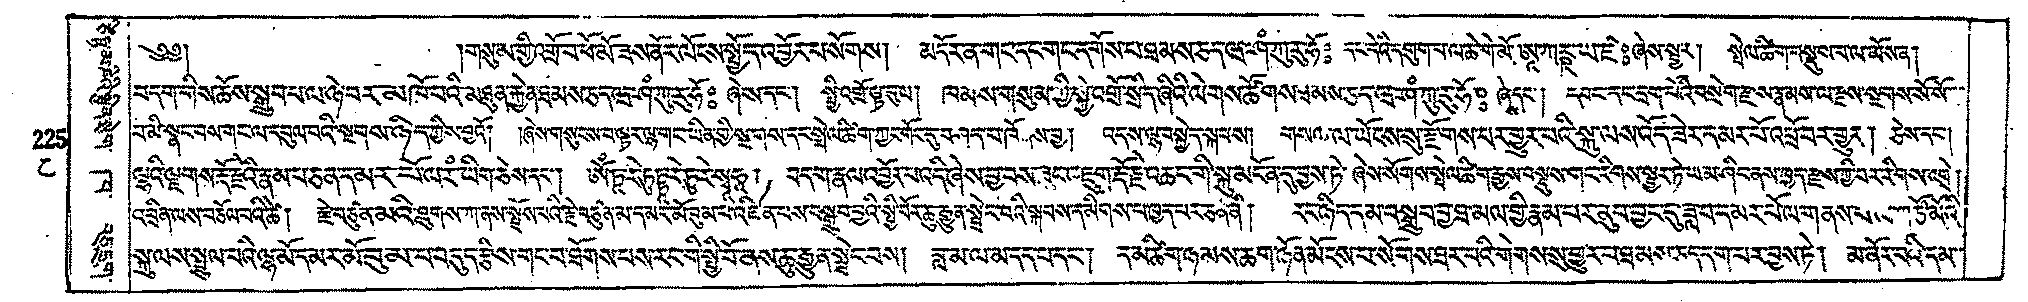༄༅། །གསུམ་གྱི་འགྲོ་བ་ཕོ་མོ་ཟས་ནོར་ལོངས་སྤྱོད་འབྱོར་པ་སོགས། མདོར་ན་གང་དང་གང་དགོས་པ་ཐམས་ཅད་ཝ་ཤཾ་ཀུ་རུ་ཧོཿདང་དེའི་དགུག་པ་ལ་ཆེ་གེ་མོ་ཨཱ་ཀརྵ་ཡ་ཛཿཞེས་སྦྱར། སྤེལ་ཚིག་བསྡུས་པ་ལ་མོས་ན།
བདག་གིས་ཆོས་སྒྲུབ་པ་ལ་ཉེ་བར་མཁོ་བའི་མཐུན་རྐྱེན་ཐམས་ཅད་ཝ་ཤཾ་ཀུ་རུ་ཧོཿཞེས་དང་། སྤྱི་འགྲོ་ལྟ་བུ་ལ།  ཁམས་གསུམ་གྱི་སྐྱེ་འགྲོ་སྲིད་ཞིའི་ལེགས་ཚོགས་ཐམས་ཅད་ཝ་ཤཾ་ཀུ་རུ་ཧོཿཞེས་དང་། དབང་དང་དྲག་པོའི་བསྲེག་རྫས་རྣམས་ལ་རྫས་སྔགས་སོ་སོ་་་
བ་མི་སྣང་བས་གང་ལ་དབུལ་བའི་སྔགས་ཉིད་ཀྱིས་བྱའོ། །ཞེས་གསུངས་པ་ལྟར་ལྷ་གང་ཡིན་གྱི་སྔགས་དང་སྤེལ་ཚིག་ཀྱང་གོང་དུ་བཤད་པ་ཁོ་ནས་བྱ། འདས་ལྷ་བསྐྱེད་སྐབས། གསལ་ལ་ཡོངས་སུ་རྫོགས་པར་གྱུར་པའི་སྐུ་ལས་འོད་ཟེར་དམར་པོ་འཕྲོ་བར་གྱུར། ཅེས་དང་།
ལྷའི་ལྗགས་རྡོ་རྗེའི་རྣམ་པ་ཅན་དམར་པོ་ལ་རཾ་ཡིག་ཅེས་དང་། ཨོཾ་ཏཱ་རེ་ཏུཏྟཱ་རེ་ཏུ་རེ་སྭཱཧཱ། བདག་རྣལ་འབྱོར་པ་འདི་ཞེས་བྱ་བས་ཟུང་འཇུག་རྡོ་རྗེ་འཆང་གི་སྐུ་མངོན་དུ་བྱས་ཏེ་ཞེས་སོགས་སྤེལ་ཚིག་རྒྱས་བསྡུས་གང་རིགས་སྦྱར་ཏེ་ཡམ་ཤིང་ནས་ཁྱད་རྫས་ཀྱི་བར་རིགས་འགྲེ།
འཕྲིན་ལས་བཅོལ་བའི་ཚེ། རྗེ་བཙུན་མའི་ཐུགས་ཀ་ནས་སྤྲོས་པའི་རྗེ་བཙུན་མ་དམར་མོ་བུམ་པ་འཛིན་པས་བསྒྲུབ་བྱའི་སྤྱི་བོར་ཆུ་རྒྱུན་སྦྲེང་བའི་སྐབས་དམིགས་པ་ཁྱད་པར་ཅན་ནི། རང་ཉིད་དམ་བསྒྲུབ་བྱ་ཐ་མལ་གྱི་རྣམ་པར་ནུབ་བྱང་དུ་ཟླ་བ་དམར་པོ་ལ་གནས་པ་ལ་གཙོ་མོའི་
སྐུ་ལས་སྤྲུལ་པའི་ལྷ་མོ་དམར་མོ་བུམ་པ་བདུད་རྩིས་གང་བ་ཐོགས་པས་རང་གི་སྤྱི་བོ་ནས་ཆུ་རྒྱུན་སྦྲེང་བས། བླ་མ་ལ་མ་དད་པ་དང་། དམ་ཚིག་ཉམས་ཆག་ཉོན་མོངས་པ་སོགས་ཐར་པའི་གེགས་སུ་གྱུར་པ་ཐམས་ཅད་དག་པར་བྱས་ཏེ། མ་ནོར་བའི་དམ་་་